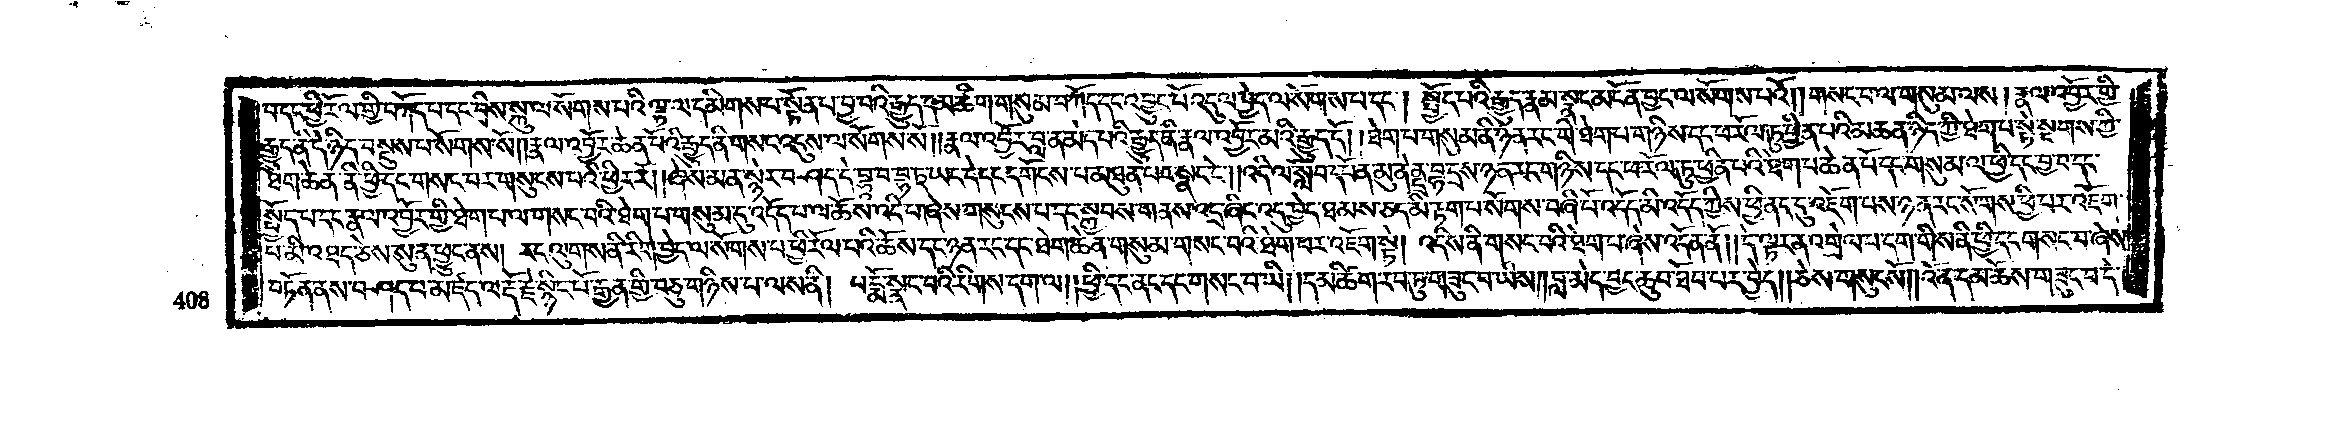བ་དང་ཕྱི་རོལ་གྱི་བཀོད་པ་དང་བྲིས་སྐུ་ལ་སོགས་པའི་ལྷ་ལ་དམིགས་པ་སྟོན་པ་བྱ་བའི་རྒྱུད་དམ་ཚིག་གསུམ་བཀོད་དང་འབྱུང་པོ་འདུལ་བྱེད་ལ་སོགས་པ་དང་། སྤྱོད་པའི་རྒྱུད་རྣམ་སྣང་མངོན་བྱང་ལ་སོགས་པའོ། །གསང་བ་ལ་གསུམ་ལས། རྣལ་འབྱོར་གྱི་
རྒྱུད་ནི་དེ་ཉིད་བསྡུས་པ་སོགས་སོ། །རྣལ་འབྱོར་ཆེན་པོའི་རྒྱུད་ནི་གསང་འདུས་ལ་སོགས་སོ། །རྣལ་འབྱོར་བླ་ན་མེད་པའི་རྒྱུད་ནི་རྣལ་འབྱོར་མའི་རྒྱུད་དོ། །ཐེག་པ་གསུམ་ནི་ཉན་རང་གི་ཐེག་པ་གཉིས་དང་ཕ་རོལ་ཏུ་ཕྱིན་པའི་མཚན་ཉིད་ཀྱི་ཐེག་པ་སྟེ་སྔགས་ཀྱི་
ཐེག་ཆེན་ནི་ཕྱི་དང་གསང་བར་གསུངས་པའི་ཕྱིར་རོ། །ཞེས་མན་སྙེར་བཤད་དེ་བྷཱ་བ་བྷ་ཏྲ་ཡང་དེ་དང་དགོངས་པ་མཐུན་པའི་སྣང་ངེ། །འདི་ལ་སློབ་དཔོན་མུ་ནེ་ནྡྲ་བྷ་དྲས་ཉན་རང་གཉིས་དང་ཕ་རོལ་ཏུ་ཕྱིན་པའི་ཐེག་པ་ཆེན་པོ་དང་གསུམ་ལ་ཕྱི་དང་བྱ་བ་དང་
སྤྱོད་པ་དང་རྣལ་འབྱོར་གྱི་ཐེག་པ་ལ་གསང་བའི་ཐེག་པ་གསུམ་དུ་འདོད་པ་ལ་ཆོས་འདི་པ་ཞེས་གསུངས་པ་དང་སྐྱབས་གནས་འདྲ་ཞིང་འདུ་བྱེད་ཐམས་ཅད་མི་རྟག་པ་སོགས་བཞི་པོ་འདོད་མི་འདོད་ཀྱིས་ཕྱི་ནང་དུ་འཇོག་པས་ཉན་རང་སོགས་ཕྱི་པར་འཇོག་
པ་མི་འཐད་ཅེས་སུན་ཕྱུང་ནས། རང་ལུགས་ནི་རིག་བྱེད་ལ་སོགས་པ་ཕྱི་རོལ་པའི་ཆོས་དང་ཉན་རང་དང་ཐེག་ཆེན་གསུམ་གསང་བའི་ཐེག་པར་འཇོག་སྟེ། འདིས་ནི་གསང་བའི་ཐེག་པ་ཞེས་འདོན་ནོ། །དེ་ལྟར་ན་འགྲེལ་པ་དག་གིས་ནི་ཕྱི་དང་གསང་བ་ཞེས་
བཏོན་ནས་བཤད་པ་མཛད་ལ་རྡོ་རྗེ་སྙིང་པོ་རྒྱན་གྱི་བཅུ་གཉིས་པ་ལས་ནི། པདམོ་སྣང་བའི་རིགས་དག་ལ། །ཕྱི་དང་ནང་གསང་བ་ཡི། །དམ་ཚིག་རབ་ཏུ་གཟུང་བ་ཡིས། །བླ་མེད་བྱང་ཆུབ་ཐོབ་པར་བྱེད། །ཅེས་གསུངས་སོ། །འོ་ན་དམ་ཆོས་གཟུང་བ་དེ་